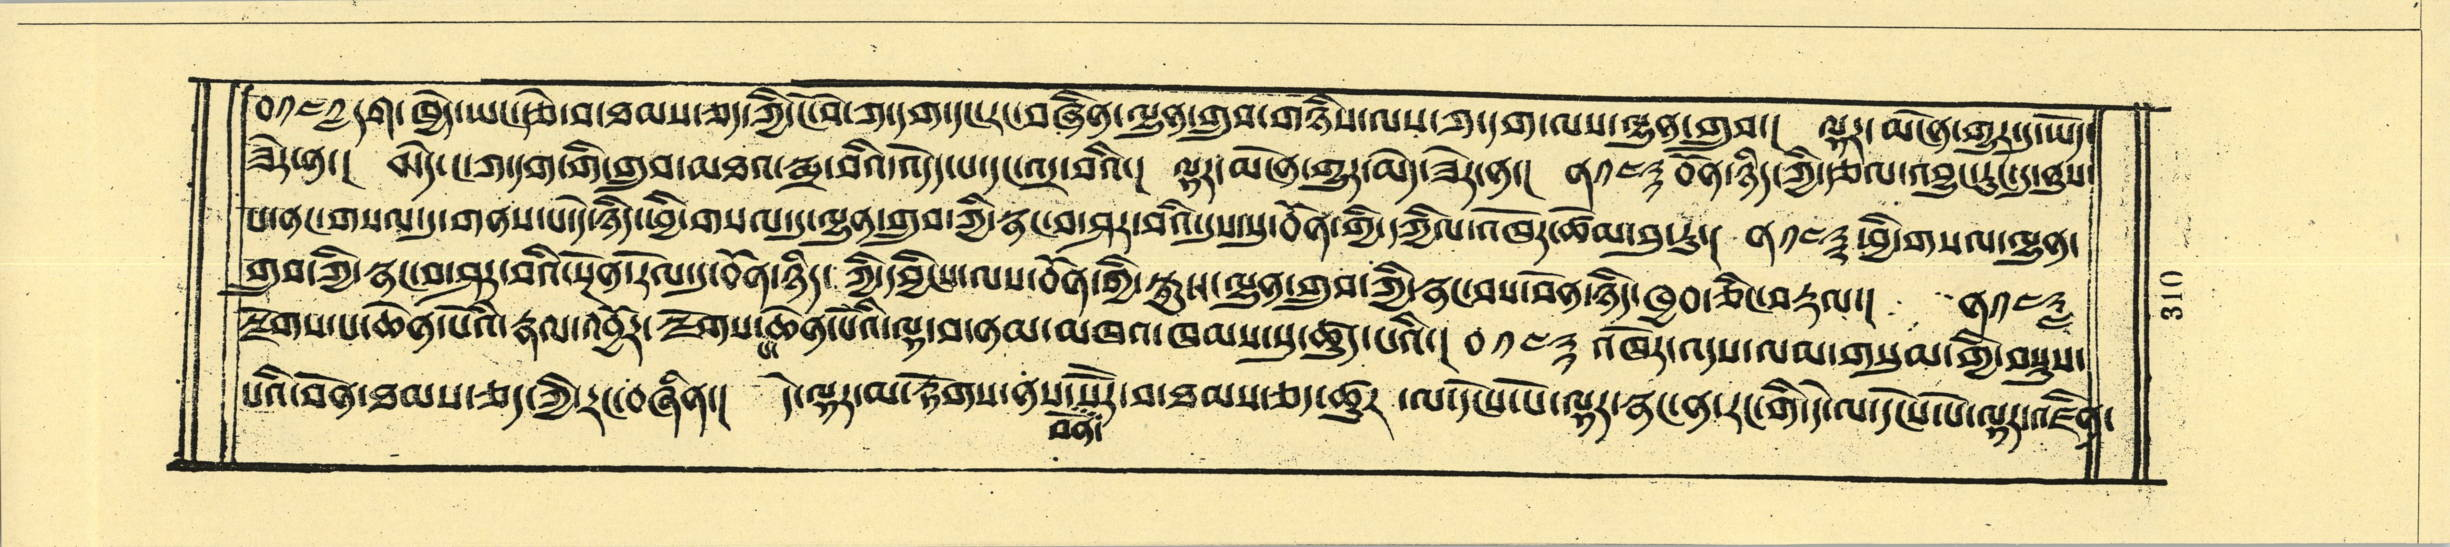བ༡༤༡།༤ ༼དག་༽ཁྱེད་ཡང་རྩེ་བ་ཐམས་ཅད་ཀྱི་ངོ་བོ་ཀ་དག་དང་རང་བཞིན་ལྷུན་གྲུབ་གཉིས་ལས་ཀ་དག་ལས་ལྷུན་གྲུབ། ༼ལྟར་༽མངོན་གྱུར་དུ་ཡོད་
ཟེར་ན། ༼མེད་༽ང་ཀ་དག་གི་གྲུབ་མཐའ་སྨྲ་བའི་འདོད་པ་དང་འདྲ་བའི། ལྟར་མངོན་གྱུར་མེད་ཟེར་ན། ན༡༤༢།༡ ༼བོན་ཉིད་༽ཀྱི་རྩལ་འབྱུང་རུང་དུ་ནུས་
པ་ནང་གསལ་དུ་གནས་པ་དེ་ཉིད་ཕྱི་གསལ་དུ་ལྷུན་གྲུབ་ཀྱི་སྣང་བ་ཤར་བའི་དུས་སུ་ ༼བོན་༽གྱི་དཀྱིལ་འཁོར་ཚོམ་བུ་རུ། ན༡༤༢།༢ ཕྱི་གསལ་ལྷུན་
གྲུབ་ཀྱི་སྣང་བ་ཤར་བའི་སྔོན་རོལ་དུ་ ༼བོན་ཉིད་༽ཀྱི་དབྱིངས་ལས་ ༼བོན་གྱི་སྐུས་༽ལྷུན་གྲུབ་ཀྱི་སྣང་བས་བོན་ཉིད་ ༼ཁྱབ་༽ཅིང་བརྡལ། ན༡༤༢།༤ 
སྫོགས་པ་ཆེན་པོའི་ ༼རྣལ་འབྱོར་༽སྫོགས་པ་ཆེན་པོའི་ལྟ་བ་ནམ་མཁའ་ཁམས་སུ་ཚུད་པའི། བ༡༤༢།༡ འཁོར་འདས་ལམ་གསུམ་གྱི་བསྡུས་
པའི་བོན་ཐམས་ཅད་ཀྱི་ ༼རང་བཞིན་༽དེ་ལྟར་མ་རྟོགས་ནས་བོན་སོ་སོར་བ་ཐམས་ཅད་ཚུར་ལ་དངོས་པོ་ལྟར་སྣང་ན་རང་གི་དེ་ལ་དངོས་པོ་ལྟར་འཛིོན་